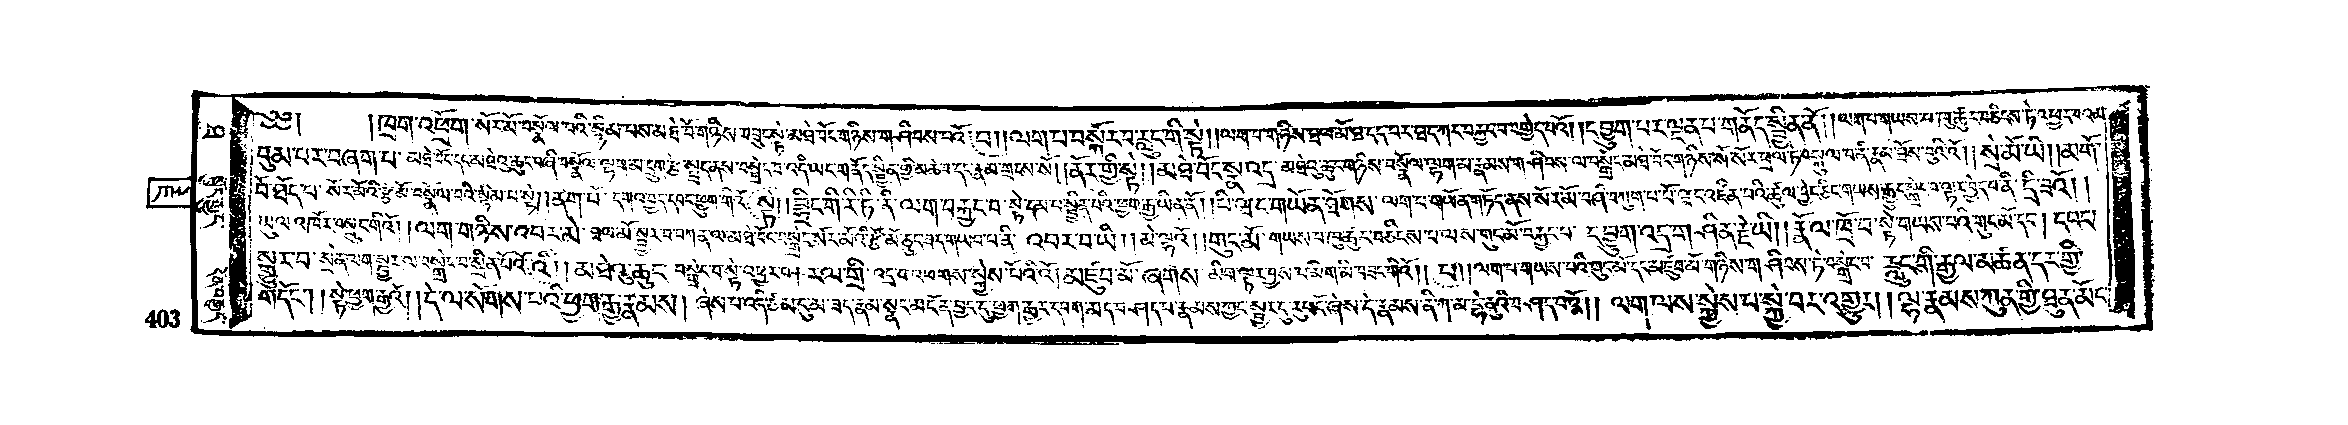༄༅། །ཁྲག་འཕྲོག་སོར་མོ་བསྣོལ་བའི་སྙིམ་པས་མཐེ་བོ་གཉིས་བཟུང་སྟེ་མཐེ་བོང་གཉིས་གཤིབས་པའོ་པ། །ལག་པ་བསྐོར་བ་རླུང་གི་སྟེ། །ལག་པ་གཉིས་ཐལ་མོ་ཐ་དད་པར་ཐད་ཀར་བརྐྱང་བ་བགྱེད་པའོ།  །དབྱུག་པར་ལྡན་པ་གནོད་སྦྱིན་ནོ། །ལག་པ་གཡས་པ་ཁུ་ཚུར་བཅིངས་ཏེ་འཕྱར་བའམ
བུམ་པར་བཞག་པ་མཐེ་བོང་དང་མཐེའུ་ཆུང་བཞི་བསྣོལ་ལྷག་མ་དྲུག་རྩེ་སྤྲད་ནས་བསྒྲེང་བ་འདི་ཡང་གནོད་སྦྱིན་གྱི་མཆེ་བ་དང་རྣམ་གྲངས་སོ།  །ནོར་གྱི་སྟེ། །མཐེ་བོང་སྣ་འདྲ་མཐེའུ་ཆུང་གཉིས་བསྣོལ་ལྷག་མ་རྣམས་གཤིབས་ལ་བསྒྲེང་མཐེ་བོང་གཉིས་སོ་སོར་ཕྲལ་ཏེ་བསྐུལ་བ་ནི་རྣམ་ཐོས་བུའི་འོ།  །སེ་མོ་ཡི། །མགོ་
བོ་ཐོད་པ་སོར་མོའི་རྩེ་མོ་བསྣོལ་བའི་སྙིམ་པ་སྟེ། །ནག་པོ་དགའ་བྱེད་དབང་ཕྱུག་གིའོ་སྟེ། །བྷྲིང་གི་རི་ཏི་ནི་ལག་བརྐྱང་བ་སྟེ་དམ་པ་སྦྱིན་པའི་ཕྱག་རྒྱ་ཡིན་ནོ།  །པི་ཝང་གཡོན་ཐོགས་ལག་པ་གཡོན་གཏོད་ནས་སོར་མོ་བཞི་བཀུག་པ་པི་ཝང་འཛིན་པའི་ཚུལ་བྱེད་ཅིང་གཡས་རྒྱུད་སྒྲེང་བ་ལྟར་བྱེད་པ་ནི་དྲི་ཟའོ། །
ཡུལ་འཁོར་བསྲུང་གིའོ།  །ལག་གཉིས་འབར་མེ་ཐལ་མོ་སྦྱར་བ་བཀན་ལ་མཐེ་བོང་བསྒྲེང་སོར་མོའི་རྩེ་མོ་ཅུང་ཟད་གཡབ་པ་ནི་འབར་བ་ཡི། །མེ་ལྷའོ།  །གུང་མོ་གཡས་པ་ཁུ་ཚུར་བཅིངས་པ་ལས་གུང་མོ་བརྐྱང་པ་དབྱུག་འདྲ་གཤིན་རྗེ་ཡི། །རྣོ་ལ་ཁྲོ་བ་སྟེ་གཡས་པའི་གུང་མོ་དང་།  དབང་
སྒྱུར་བ་སྲེན་ལག་སྦྱར་ལ་བསྒྲེང་བ་སྲིན་པོའོ་འི། །མཐེའུ་ཆུང་བསྒྲེང་བ་སྟེ་འཕྱར་བ།  རལ་གྲི་འདྲ་བ་འཕགས་སྐྱེས་བོའི་འོ།  མཛུབ་མོ་ཞགས་མིག་ལྟར་བྱས་པ་མིག་མི་བཟང་གིའོ།  །པ། །ལག་པ་གཡས་པའི་གུང་མོ་དང་མཛུབ་མོ་གཉིས་གཤིབས་ཏེ་བསྒྲེང་བ་རླུང་གི་རྒྱལ་མཚན་དར་གྱི་
གདོང་། །སྟེ་ཕྱག་རྒྱའོ།  །དེ་ལ་སོགས་པའི་ཕྱག་རྒྱ་རྣམས། ཞེས་པ་འདི་ཙམ་དུ་མ་ཟད་རྣམ་སྣང་མངོན་བྱང་དུ་ཕྱག་རྒྱར་དཔག་མེད་བཤད་པ་རྣམས་ཀྱང་སྦྱར་དུ་རུང་ངོ་ཞེས་དེ་རྣམས་ནི་ཀ་མ་དྷེ་ནུའི་བཤད་པའོ།  །ལག་ལས་སྐྱེས་པ་སྐྱེ་བར་འགྱུར། །ལྷ་རྣམས་ཀུན་གྱི་ཐུན་མོང་